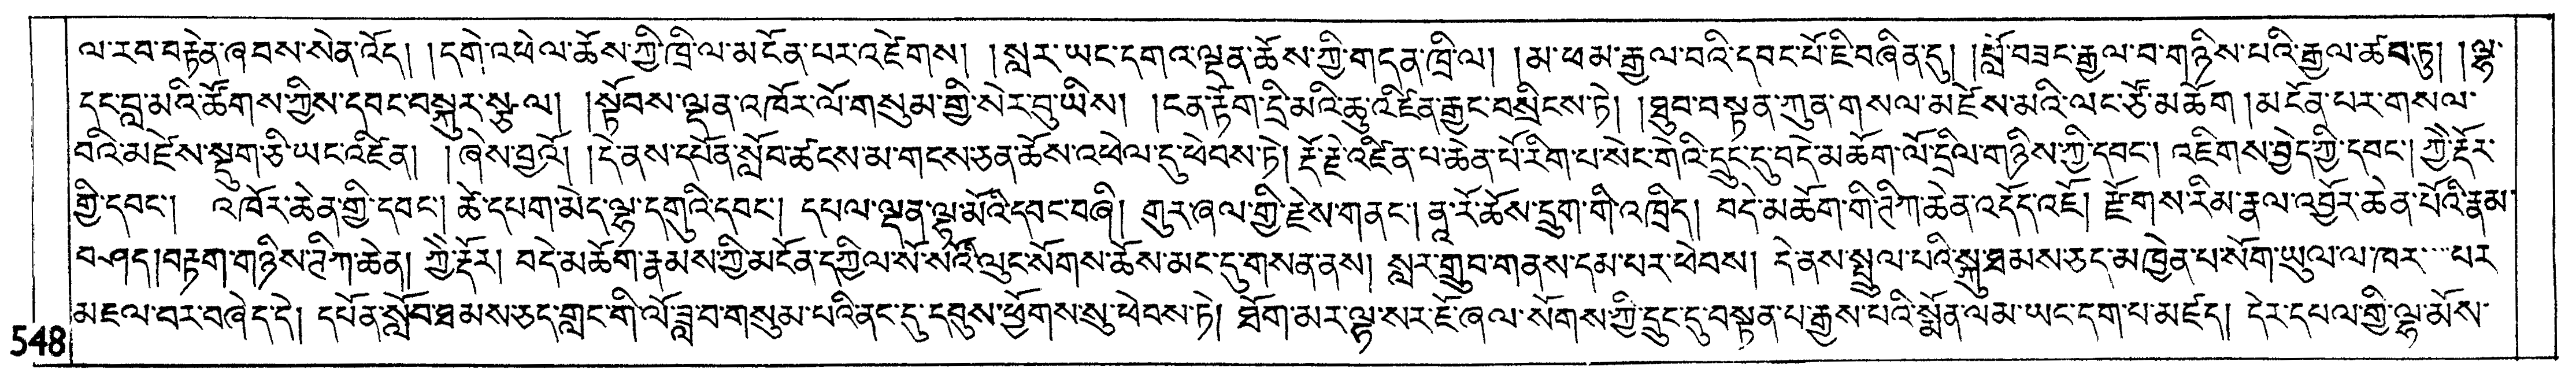ལ་རབ་བརྟེན་ཞབས་སེན་འོད། །དགེ་འཕེལ་ཆོས་ཀྱི་ཁྲི་ལ་མངོན་པར་འཛེགས། །སླར་ཡང་དགའ་ལྡན་ཆོས་ཀྱི་གདན་ཁྲི་ལ། །མ་ཕམ་རྒྱལ་བའི་དབང་པོ་ཇི་བཞིན་དུ། །བློ་བཟང་རྒྱལ་བ་གཉིས་པའི་རྒྱལ་ཚབ་ཏུ། །ལྷ་
དང་བླ་མའི་ཚོགས་ཀྱིས་དབང་བསྐུར་སྩལ། །སྟོབས་ལྡན་འཁོར་ལོ་གསུམ་གྱི་སེར་བུ་ཡིས། །ངན་རྟོག་དྲི་མའི་ཆུ་འཛིན་རྒྱང་བསྲིངས་ཏེ། །ཐུབ་བསྟན་ཀུན་གསལ་མཛེས་མའི་ལང་ཙོ་མཆོག །མངོན་པར་གསལ་
བའི་མཛེས་སྡུག་ཅི་ཡང་འཛིན། །ཞེས་བྱའོ། །དེ་ནས་དཔོན་སློབ་ཚངས་མ་གངས་ཅན་ཆོས་འཕེལ་དུ་ཕེབས་ཏེ། རྡོ་རྗེ་འཛིན་པ་ཆེན་པོ་རིག་པ་སེང་གེའི་དྲུང་དུ་བདེ་མཆོག་ལོ་དྲིལ་གཉིས་ཀྱི་དབང་། འཇིགས་བྱེད་ཀྱི་དབང་། ཀྱཻ་རྡོར་
གྱི་དབང་། འཁོར་ཆེན་གྱི་དབང་། ཚེ་དཔག་མེད་ལྷ་དགུའི་དབང་། དཔལ་ལྡན་ལྷ་མོའི་དབང་བཞི། གུར་ཞལ་གྱི་རྗེས་གནང་། ནཱ་རོ་ཆོས་དྲུག་གི་འཁྲིད། བདེ་མཆོག་གི་ཊིཀ་ཆེན་འདོད་འཇོ། རྫོགས་རིམ་རྣལ་འབྱོར་ཆེན་པོའི་རྣམ་
བཤད། བརྟག་གཉིས་ཊིཀ་ཆེན། ཀྱཻ་རྡོར། བདེ་མཆོག་རྣམས་ཀྱི་མངོན་དཀྱིལ་སོ་སོའི་ལུང་སོགས་ཆོས་མང་དུ་གསན་ནས། སླར་གྲུབ་གནས་དམ་པར་ཕེབས། དེ་ནས་སྤྲུལ་པའི་སྐུ་ཐམས་ཅད་མཁྱེན་པ་སོག་ཡུལ་ལ་ཁར་པར་
མཇལ་བར་བཞེད་དེ། དཔོན་སློབ་ཐམས་ཅད་གླང་གི་ལོ་ཟླ་བ་གསུམ་པའི་ནང་དུ་དབུས་ཕྱོགས་སུ་ཕེབས་ཏེ། ཐོག་མར་ལྷ་སར་ཇོ་ཞལ་སོགས་ཀྱི་དྲུང་དུ་བསྟན་པ་རྒྱས་པའི་སྨོན་ལམ་ཡང་དག་པ་མཛད། དེར་དཔལ་གྱི་ལྷ་མོས་